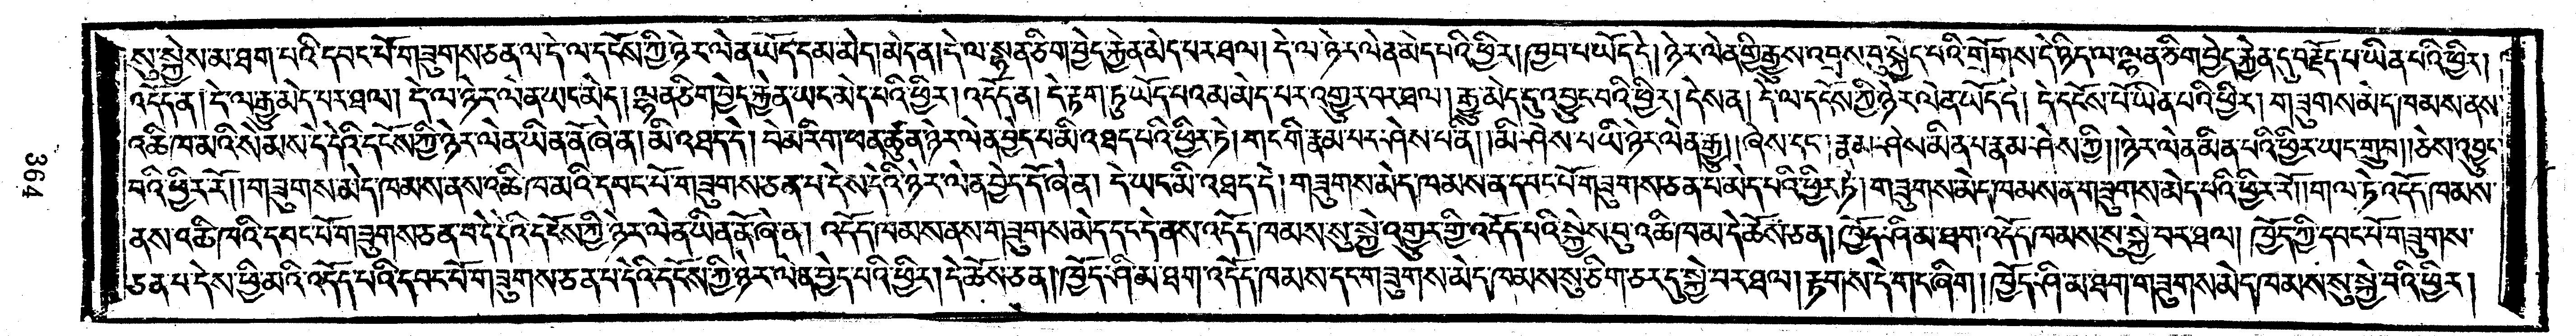སུ་སྐྱེས་མ་ཐག་པའི་དབང་པོ་གཟུགས་ཅན་པ་དེ་ལ་དངོས་ཀྱི་ཉེར་ལེན་ཡོད་དམ་མེད། མེད་ན། དེ་ལ་ལྷན་ཅིག་བྱེད་རྐྱེན་མེད་པར་ཐལ། དེ་ལ་ཉེར་ལེན་མེད་པའི་ཕྱིར། ཁྱབ་པ་ཡོད་དེ། ཉེར་ལེན་གྱི་རྒྱུས་འབྲས་བུ་སྐྱེད་པའི་གྲོགས་དེ་ཉིད་ལ་ལྷན་ཅིག་བྱེད་རྐྱེན་དུ་བརྗོད་པ་ཡིན་པའི་ཕྱིར།
འདོད་ན། དེ་ལ་རྒྱུ་མེད་པར་ཐལ། དེ་ལ་ཉེར་ལེན་ཡང་མེད། ལྷན་ཅིག་བྱེད་རྐྱེན་ཡང་མེད་པའི་ཕྱིར། འདོད་ན། དེ་རྟག་ཏུ་ཡོད་པའམ་མེད་པར་འགྱུར་བར་ཐལ། རྒྱུ་མེད་དུ་འབྱུང་བའི་ཕྱིར། དེས་ན། དེ་ལ་དངོས་ཀྱི་ཉེར་ལེན་ཡོད་དེ། དེ་དངོས་པོ་ཡིན་པའི་ཕྱིར། གཟུགས་མེད་ཁམས་ནས་
འཆི་ཁ་མའི་སེམས་དེ་དེའི་དངོས་ཀྱི་ཉེར་ལེན་ཡིན་ནོ་ཞེ་ན། མི་འཐད་དེ། བེམ་རིག་ཕན་ཚུན་ཉེར་ལེན་བྱེད་པ་མི་འཐད་པའི་ཕྱིར་ཏེ། གང་གི་རྣམ་པར་ཤེས་པ་ནི། །མི་ཤེས་པ་ཡི་ཉེར་ལེན་རྒྱུ། །ཞེས་དང་། རྣམ་ཤེས་མིན་པ་རྣམ་ཤེས་ཀྱི། ཉེར་ལེན་མིན་པའི་ཕྱིར་ཡང་གྲུབ། །ཅེས་འབྱུང་
བའི་ཕྱིར་རོ། །གཟུགས་མེད་ཁམས་ནས་འཆི་ཁ་མའི་དབང་པོ་གཟུགས་ཅན་པ་དེས་དེའི་ཉེར་ལེན་བྱེད་དོ་ཞེ་ན། དེ་ཡང་མི་འཐད་དེ། གཟུགས་མེད་ཁམས་ན་དབང་པོ་གཟུགས་ཅན་པ་མེད་པའི་ཕྱིར་ཏེ། གཟུགས་མེད་ཁམས་ན་གཟུགས་མེད་པའི་ཕྱིར་རོ། །གལ་ཏེ་འདོད་ཁམས་
ནས་འཆི་ཁའི་དབང་པོ་གཟུགས་ཅན་བ་དེ་དེའི་དངོས་ཀྱི་ཉེར་ལེན་ཡིན་ནོ་ཞེ་ན། འདོད་ཁམས་ནས་གཟུགས་མེད་དང་དེ་ནས་འདོད་ཁམས་སུ་སྐྱེ་འགྱུར་གྱི་འདོད་པའི་སྐྱེས་བུ་འཆི་ཁ་མ་དེ་ཆོས་ཅན། ཁྱོད་ཤི་མ་ཐག་འདོད་ཁམས་སུ་སྐྱེ་བར་ཐལ། ཁྱོད་ཀྱི་དབང་པོ་གཟུགས་
ཅན་པ་དེས་ཕྱི་མའི་འདོད་པའི་དབང་པོ་གཟུགས་ཅན་པ་དེའི་དངོས་ཀྱི་ཉེར་ལེན་བྱེད་པའི་ཕྱིར། དེ་ཆོས་ཅན། ཁྱོད་ཤི་མ་ཐག་འདོད་ཁམས་དང་གཟུགས་མེད་ཁམས་སུ་ཅིག་ཅར་དུ་སྐྱེ་བར་ཐལ། རྟགས་དེ་གང་ཞིག། ཁྱོད་ཤི་མ་ཐག་གཟུགས་མེད་ཁམས་སུ་སྐྱེ་བའི་ཕྱིར།